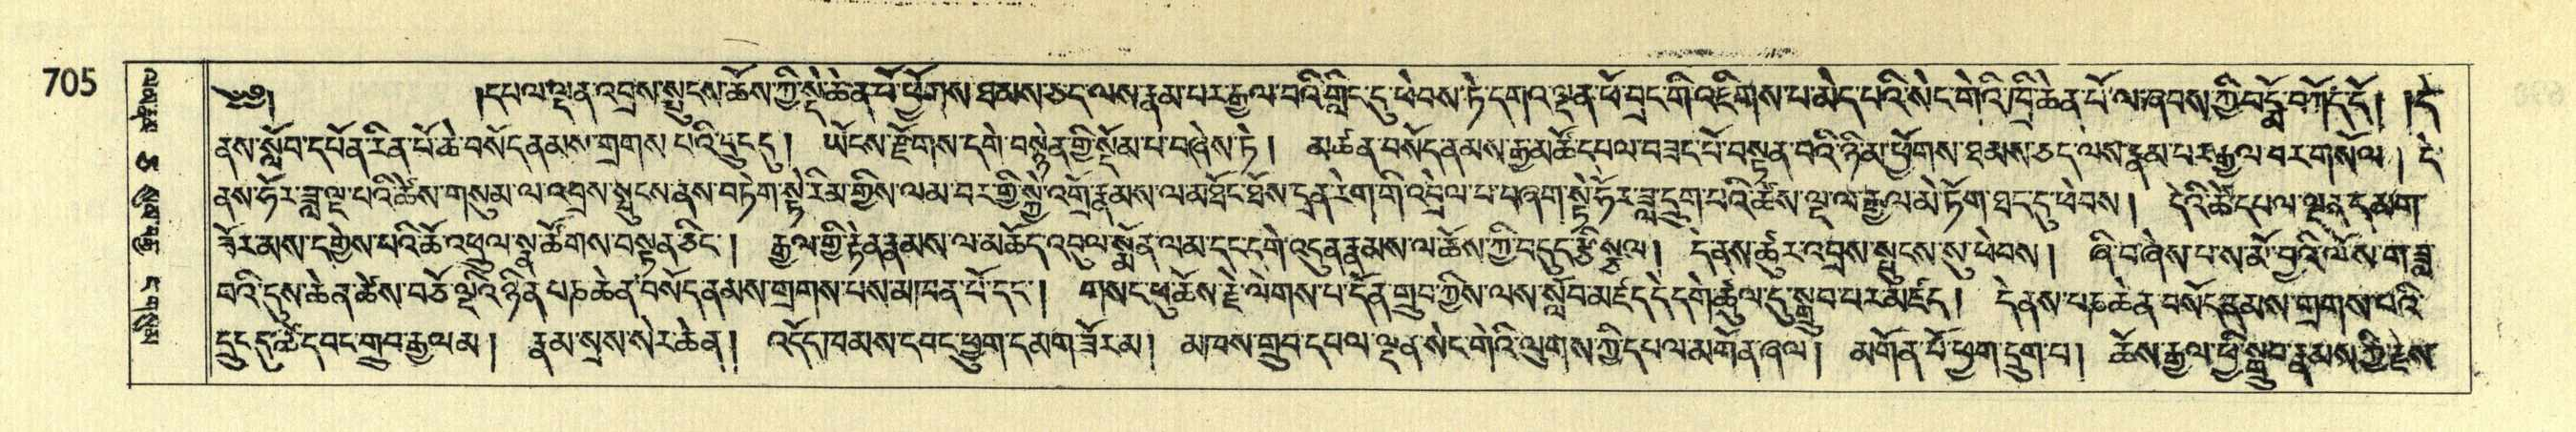༄༅། །དཔལ་ལྡན་འབྲས་སྤུངས་ཆོས་ཀྱི་སྡེ་ཆེན་པོ་ཕྱོགས་ཐམས་ཅད་ལས་རྣམ་པར་རྒྱལ་བའི་གླིང་དུ་ཕེབས་ཏེ་དགའ་ལྡན་ཕོ་བྲང་གི་འཇིགས་པ་མེད་པའི་སེང་གེའི་ཁྲི་ཆེན་པོ་ལ་ཞབས་ཀྱི་པདམོ་བཀོད་དོ། །དེ་
ནས་སློབ་དཔོན་རིན་པོ་ཆེ་བསོད་ནམས་གྲགས་པའི་དྲུང་དུ། ཡོངས་རྫོགས་དགེ་བསྙེན་གྱི་སྡོམ་པ་བཞེས་ཏེ། མཚན་བསོད་ནམས་རྒྱ་མཚོ་དཔལ་བཟང་པོ་བསྟན་བའི་ཉི་མ་ཕྱོགས་ཐམས་ཅད་ལས་རྣམ་པར་རྒྱལ་བར་གསོལ། དེ་
ནས་ཧོར་ཟླ་ལྔ་པའི་ཚེས་གསུམ་ལ་འབྲས་སྤུངས་ནས་བཏེག་སྟེ་རིམ་གྱིས་ལམ་བར་གྱི་སྐྱེ་འགྲོ་རྣམས་ལ་མཐོང་ཐོས་དྲན་རེག་གི་འབྲེལ་པ་བཞག་སྟེ་ཧོར་ཟླ་དྲུག་པའི་ཚེས་ལྔ་ལ་རྒྱལ་མེ་ཏོག་ཐང་དུ་ཕེབས། དེའི་ཚེ་དཔལ་ལྡན་དམག་
ཟོར་མས་དགྱེས་པའི་ཆོ་འཕྲུལ་སྣ་ཚོགས་བསྟན་ཅིང་། རྒྱལ་གྱི་རྟེན་རྣམས་ལ་མཆོད་འབུལ་སྨོན་ལམ་དང་དགེ་འདུན་རྣམས་ལ་ཆོས་ཀྱི་བདུད་རྩི་སྩལ། དེ་ནས་ཚུར་འབྲས་སྤུངས་སུ་ཕེབས། ཞི་བཞེས་པ་ས་མོ་བྱའི་ལོས་ག་ཟླ་
བའི་དུས་ཆེན་ཚེས་བཅོ་ལྔའི་ཉིན་པཎ་ཆེན་བསོད་ནམས་གྲགས་པས་མཁན་པོ་དང་། གསང་ཕུ་ཆོས་རྗེ་ལེགས་པ་དོན་གྲུབ་ཀྱིས་ལས་སློབ་མཛད་དེ་དགེ་ཚུལ་དུ་སྒྲུབ་པར་མཛད། དེ་ནས་པཎ་ཆེན་བསོད་ནམས་གྲགས་པའི་
དྲུང་དུ་ཚེ་དབང་གྲུབ་རྒྱལ་མ། རྣམ་སྲས་སེར་ཆེན། འདོད་ཁམས་དབང་ཕྱུག་དམག་ཟོར་མ། མཁས་གྲུབ་དཔལ་ལྡན་སེང་གེའི་ལུགས་ཀྱི་དཔལ་མགོན་ཞལ། མགོན་པོ་ཕྱག་དྲུག་པ། ཆོས་རྒྱལ་ཕྱི་སྒྲུབ་རྣམས་ཀྱི་རྗེས་